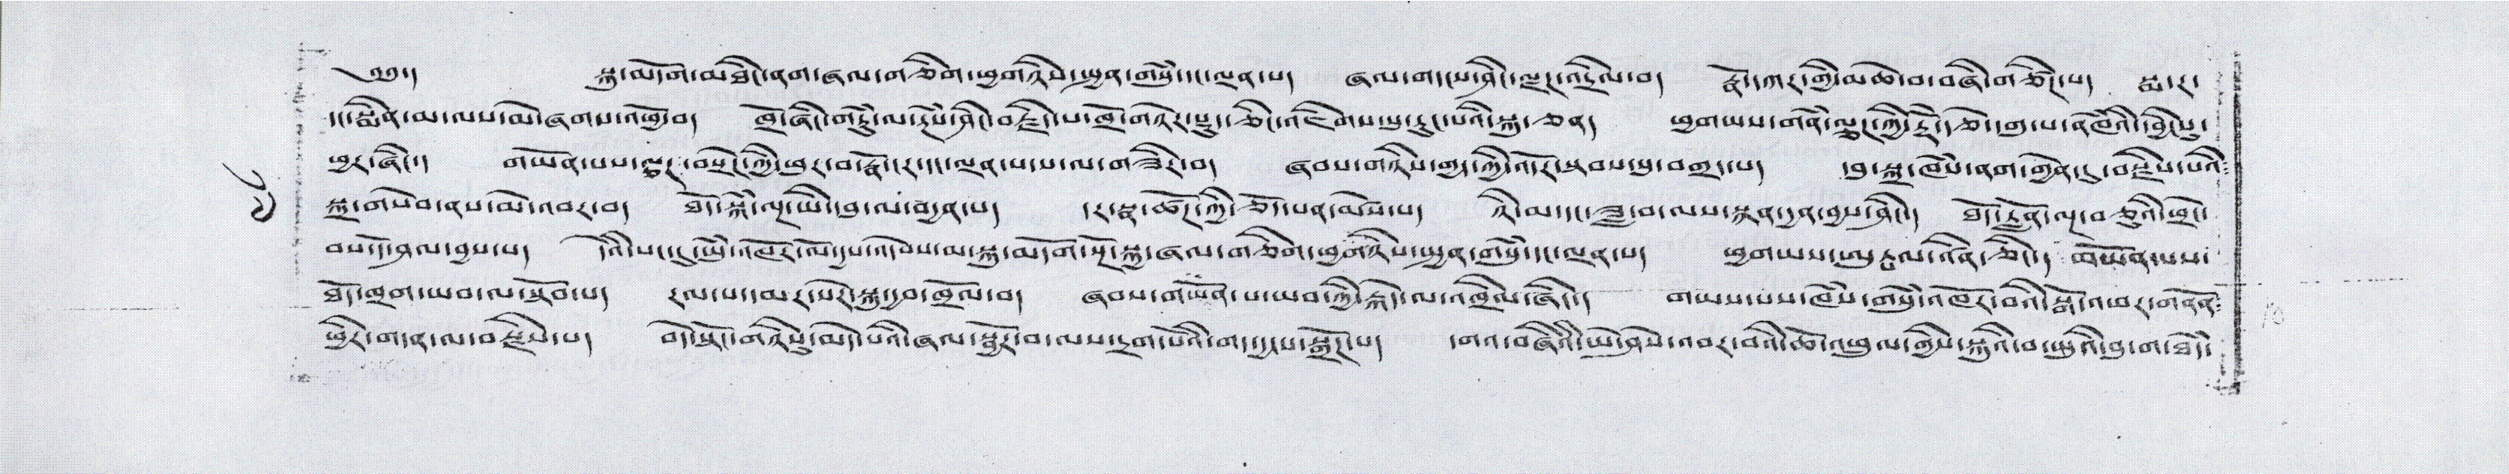སྐུ་མདོག་མཐིང་ནག་ཞལ་གཅིག་ཕྱག་གཉིས་སྤྱན་གསུམ་དང་ལྡན་པ། ཞལ་གདངས་ཤིང་ལྗགས་འདྲིལ་བ། རྣོ་དཀར་གྱི་མཆེ་བ་བཞི་གཙིགས་པ། སྨ་ར་
དང་སྨིན་མ་ལས་མེ་ཞགས་འཕྱོ་བ། ཁྲོ་ཞིང་གཏུམ་ལ་རྔམ་ཞིང་བརྗིད་པ། ཁྲོ་གཉེར་སྡུད་ཅིང་འཇིགས་སུ་རུང་བའི་སྐུ་ཅན། ཕྱག་གཡས་གནམ་ལྕགས་ཀྱི་རྡོ་རྗེ་རྩེ་དགུ་པ་ནམ་མཁའི་དབྱིངས་སུ་
ཕྱར་ཞིང་། གཡོན་པས་ལྕགས་སྲེག་གི་ཕུར་པ་རྣོ་ངར་དང་ལྡན་པ་ས་ལ་གཟིར་བ། ཞབས་གཉིས་གྱད་ཀྱི་འདོར་ཐབས་སུ་བསྒྲད་པ། དབུ་སྐྲ་ཁམས་ནག་གྱེན་དུ་བརྫེས་པའི་
སྐྲ་གསེབ་ནས་མེ་འབར་བ། ཐོད་སྐམ་ལྔ་ཡིས་དབུ་ལ་བརྒྱན་པ། དར་སྣ་ཚོགས་ཀྱི་ཅོད་པཎ་མཛེས་པ། ཉི་མ་དང་ཟླ་བ་ལས་སྙན་རྒྱན་བྱས་ཤིང་ཐོད་རློན་ལྔ་བཅུའི་ཕྲེང་
བས་དོ་ཤལ་བྱས་པ། དེའི་པང་དུ་ཡུམ་འཁོར་ལོ་རྒྱས་འདེབས་མ་སྐུ་མདོག་སྔོ་སྐྱ་ཞལ་གཅིག་ཕྱག་གཉིས་སྤྱན་གསུམ་དང་ལྡན་པ། ཕྱག་གཡས་ཨུཏྤལ་འཛིན་ཅིང་གཡོན་པས་
ཐོད་ཁྲག་ཡབ་ལ་སྟོབས་པ། རལ་པ་དམར་སེར་སྐུ་རྒྱབ་ཁྲོལ་བ། ཞབས་གཡོན་པ་ཡབ་ཀྱི་སྐེད་པ་འཁྲིལ་ཞིང་། གཡས་པས་ཁམས་གསུམ་འཁོར་བའི་སྒོ་འཕར་གནོན་
ཕྱིར་གདན་ལ་བརྫིས་པ། བདེ་སྟོང་གཉིས་སུ་མེད་པའི་ཞལ་སྦྱོར་བ་ལས་དྲག་པོའི་གད་རྒྱངས་སྒྲོགས་པ། དགའ་བཞིའི་ཡེ་ཤེས་འབར་བའི་ཆོ་འཕྲུལ་གྱིས་སྐུའི་བ་སྤུའི་བུ་ག་ཐམས་ཅད་